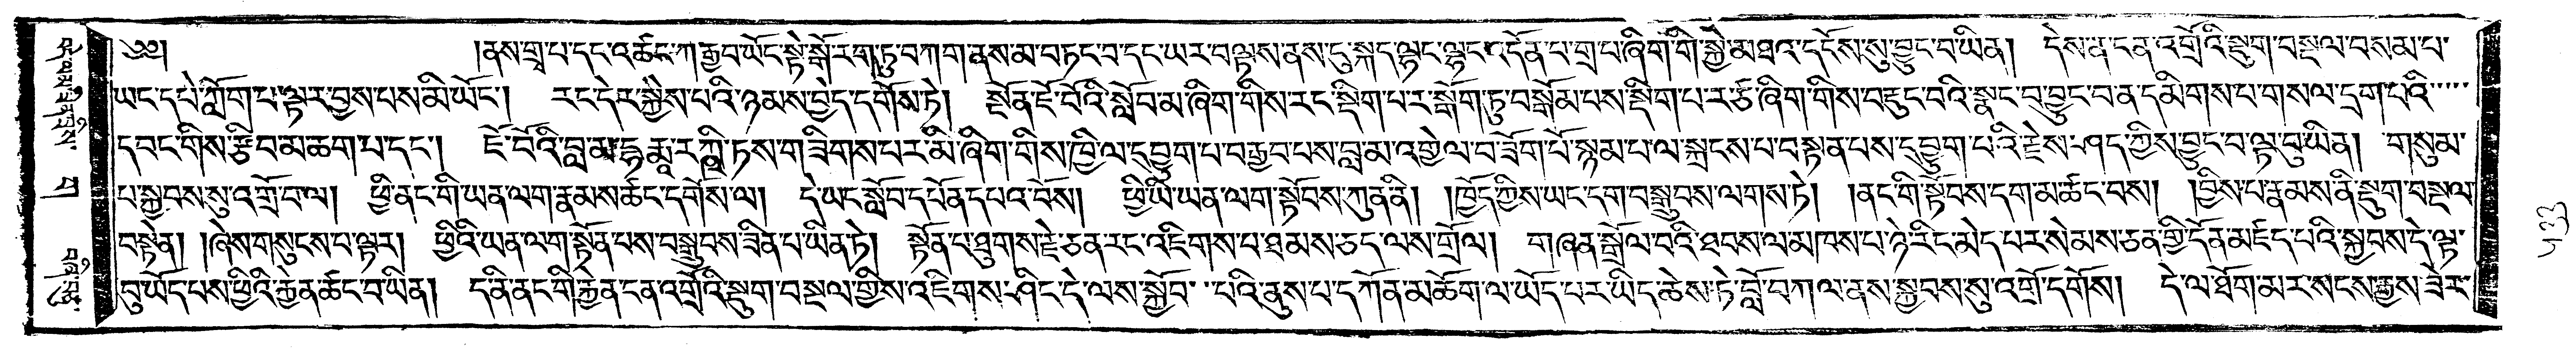༄༅། །ནས་གྲྭ་པ་དང་འཚང་ཀ་རྒྱབ་ཡོད་སྟེ་སྒོ་རག་ཏུ་བཀག་ནས་མ་བཏང་བ་དང་ཡར་བལྟས་ནས་ངུ་སྐད་ལྷང་ལྷང་འདོན་པ་གྲ་པ་ཞིག་གི་སྐྱེ་མཐའ་དངོས་སུ་བྱུང་བ་ཡིན། དེས་ན་ངན་འགྲོའི་སྡུག་བསྔལ་བསམ་པ་
ཡང་དཔེ་ཀློག་པ་ལྟར་བྱས་པས་མི་ཡོང་། རང་དེར་སྐྱེས་པའི་ཉམས་བྱེད་དགོས་ཏེ། སྔོན་ཇོ་བོའི་སློབ་མ་ཞིག་གིས་རང་སྡིག་པར་སྒོག་ཏུ་བསྒོམ་པས་སྡིག་པ་ར་ཙ་ཞིག་གིས་བརྡུང་བའི་སྣང་བ་བྱུང་བ་ན་དམིགས་པ་གསལ་དྲག་པའི་
དབང་གིས་རྩིབ་མ་ཆག་པ་དང་། ཇོ་བོའི་བླ་མ་དྷརྨཱ་རཀྵི་ཏས་གཟིགས་པར་མི་ཞིག་གིས་ཁྱིལ་དབྱུག་པ་བརྒྱབ་པས་བླ་མ་འགྱེལ་བཟོག་པོ་སྙམ་པ་ལ་སྐྲངས་པ་བསྟན་པས་དབྱུག་པའི་རྗེས་ཤད་ཀྱིས་བྱུང་བ་ལྟ་བུ་ཡིན། གསུམ་
པ་སྐྱབས་སུ་འགྲོ་བ་ལ། ཕྱི་ནང་གི་ཡན་ལག་རྣམས་ཚང་དགོས་ལ། དེ་ཡང་སློབ་དཔོན་དཔའ་བོས། ཕྱི་ཡི་ཡན་ལག་སྟོབས་ཀུན་ནི། །ཁྱོད་ཀྱིས་ཡང་དག་བསྒྲུབས་ལགས་ཏེ། །ནང་གི་སྟོབས་དག་མ་ཚང་བས། །བྱིས་པ་རྣམས་ནི་སྡུག་བསྔལ་
བསྟེན། །ཞེས་གསུངས་པ་ལྟར། ཕྱིའི་ཡན་ལག་སྟོན་པས་བསྒྲུབས་ཟིན་པ་ཡིན་ཏེ། སྟོན་པ་ཐུགས་རྗེ་ཅན་རང་འཇིགས་པ་ཐམས་ཅད་ལས་གྲོལ། གཞན་སྒྲོལ་བའི་ཐབས་ལ་མཁས་པ་ཉེ་རིང་མེད་པར་སེམས་ཅན་གྱི་དོན་མཛད་པའི་སྐྱབས་དེ་ལྟ་
བུ་ཡོད་པས་ཕྱིའི་རྐྱེན་ཚང་བ་ཡིན། ད་ནི་ནང་གི་རྐྱེན་ངན་འགྲོའི་སྡུག་བསྔལ་གྱིས་འཇིགས་ཤིང་དེ་ལས་སྐྱོབ་པའི་ནུས་པ་དཀོན་མཆོག་ལ་ཡོད་པར་ཡིད་ཆེས་ཏེ་བློ་བཀལ་ནས་སྐྱབས་སུ་འགྲོ་དགོས། དེ་ལ་ཐོག་མར་སངས་རྒྱས་ཟེར་